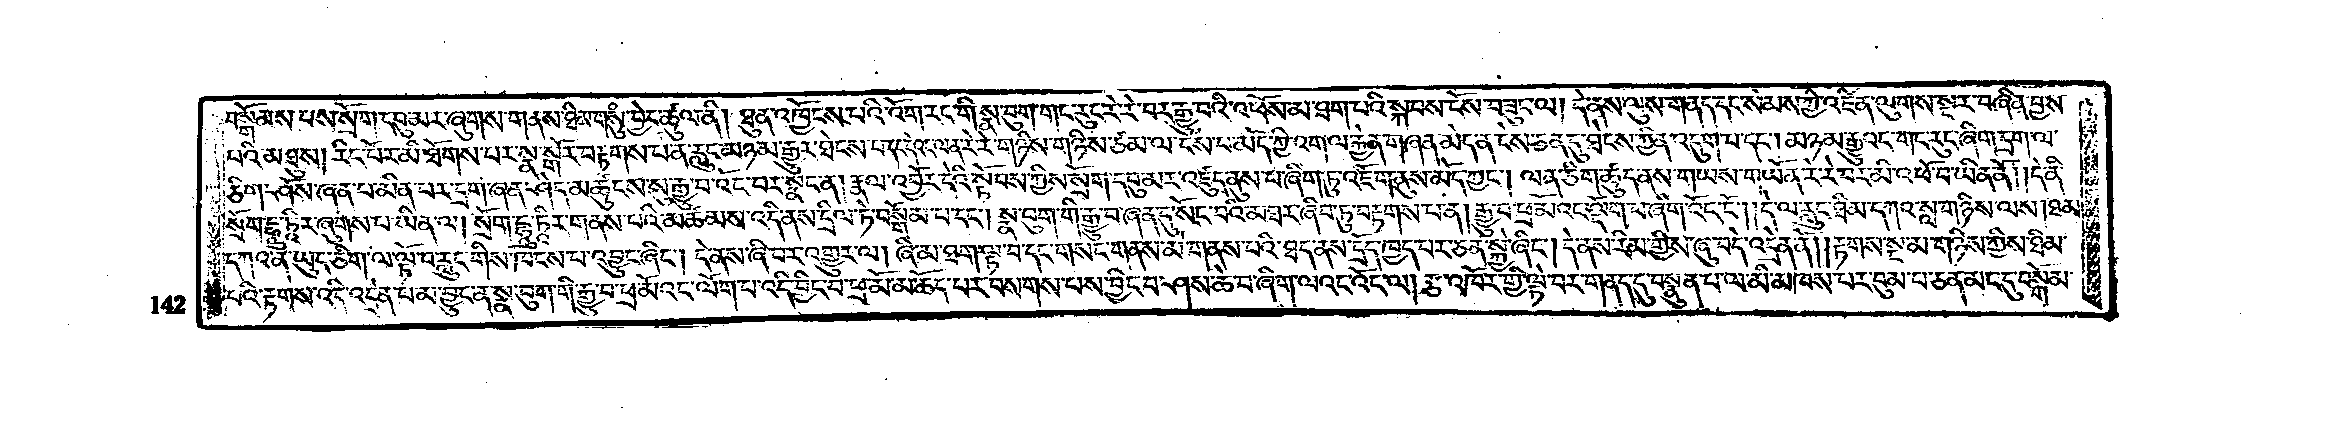བསྒོམས་པས་སྲོག་དབུ་མར་ཞུགས་གནས་ཐིམ་གསུམ་བྱེད་ཚུལ་ནི། ཐུན་འཁྱོངས་པའི་འོག་རང་གི་སྣ་བུག་གང་རུང་རེ་རེ་བར་རྒྱུ་བའི་འཕོས་མ་ཐག་པའི་སྐབས་ངོས་བཟུང་ལ། དེ་ནས་ལུས་གནད་དང་སེམས་ཀྱི་འཛིན་ལུགས་སྔར་བཞིན་བྱས་
པའི་མཐུས། རིང་པོར་མི་ཐོགས་པར་སྣ་སྒོར་བརྟགས་པ་ན་རླུང་མཉམ་རྒྱུར་ཐེངས་པ་དང་དེའང་ལན་རེ་རེ་གཉིས་གཉིས་ཙམ་ལ་ངེས་པ་མེད་ཀྱི་འགལ་རྐྱེན་གཞན་མེད་ན་ངེས་ཅན་དུ་ཐེངས་ཀྱིན་འདུག་པ་དང་། མཉམ་རྒྱུའང་གང་རུང་ཞིག་དྲག་ལ་
ཅིག་ཤོས་ཞན་པ་མིན་པར་དྲག་ཞན་ཤེད་མཚུངས་སུ་རྒྱུ་བ་འོང་བར་སྣང་ན། རྣལ་འབྱོར་དེའི་སྟོབས་ཀྱིས་སྲོག་དབུ་མར་འཛུད་ནུས་པ་ཞིག་ཏུ་འཇོག་ནུས་མོད་ཀྱང་། ལན་ཅིག་ཚུད་ནས་གཡས་གཡོན་རེ་རེ་བར་མི་འཕོ་བ་ཡིན་ནོ། །དེ་ནི་
སྲོག་དྷཱུ་ཏཱིར་ཞུགས་པ་ཡིན་ལ། སྲོག་དྷཱུ་ཏཱིར་གནས་པའི་མཚམས་འདི་ནས་དྲིལ་ཏེ་བསྒོམ་པ་དང་། སྣ་བུག་གི་རྒྱུ་བ་ཞན་དུ་སོང་བའི་མཐར་ཞིབ་ཏུ་བརྟགས་པ་ན། རྒྱུ་བ་ཕྲ་མོའང་ལྡོག་པ་ཞིག་འོང་ངོ། །དེ་ལ་རླུང་ཐིམ་དཀའ་སླ་གཉིས་ལས། ཐིམ་
དཀའ་ན་ཡུད་ཅིག་ལ་ལྟོ་བ་རླུང་གིས་ཁེངས་པ་འབྱུང་ཞིང་། དེ་ནས་ཞི་བར་འགྱུར་ལ། ཞི་མ་ཐག་ལྟ་བ་དང་གསང་གནས་མེ་གནས་པའི་ཐད་ནས་དྲོད་ཁྱད་པར་ཅན་སྐྱེ་ཞིང་། དེ་ནས་རིམ་གྱིས་ཞུ་བདེ་འདྲེན་ནོ། །རྟགས་སྔ་མ་གཉིས་ཀྱིས་ཐིམ་
པའི་རྟགས་འདི་འདྲེན་པ་མ་བྱུང་ན་སྣ་བུག་གི་རྒྱུ་བ་ཕྲ་མོའང་ལོག་པ་འདི་བྱིང་བ་ཕྲ་མོ་མཆོད་པར་བསགས་པས་བྱིང་བ་ཤས་ཆེ་བ་ཞིག་ལའང་འོང་ལ། རྩ་འཁོར་གྱི་ལྟེ་བར་གནད་དུ་བསྣུན་པ་ལ་མི་མཁས་པར་བུམ་པ་ཅན་མང་དུ་བསྒོམ་